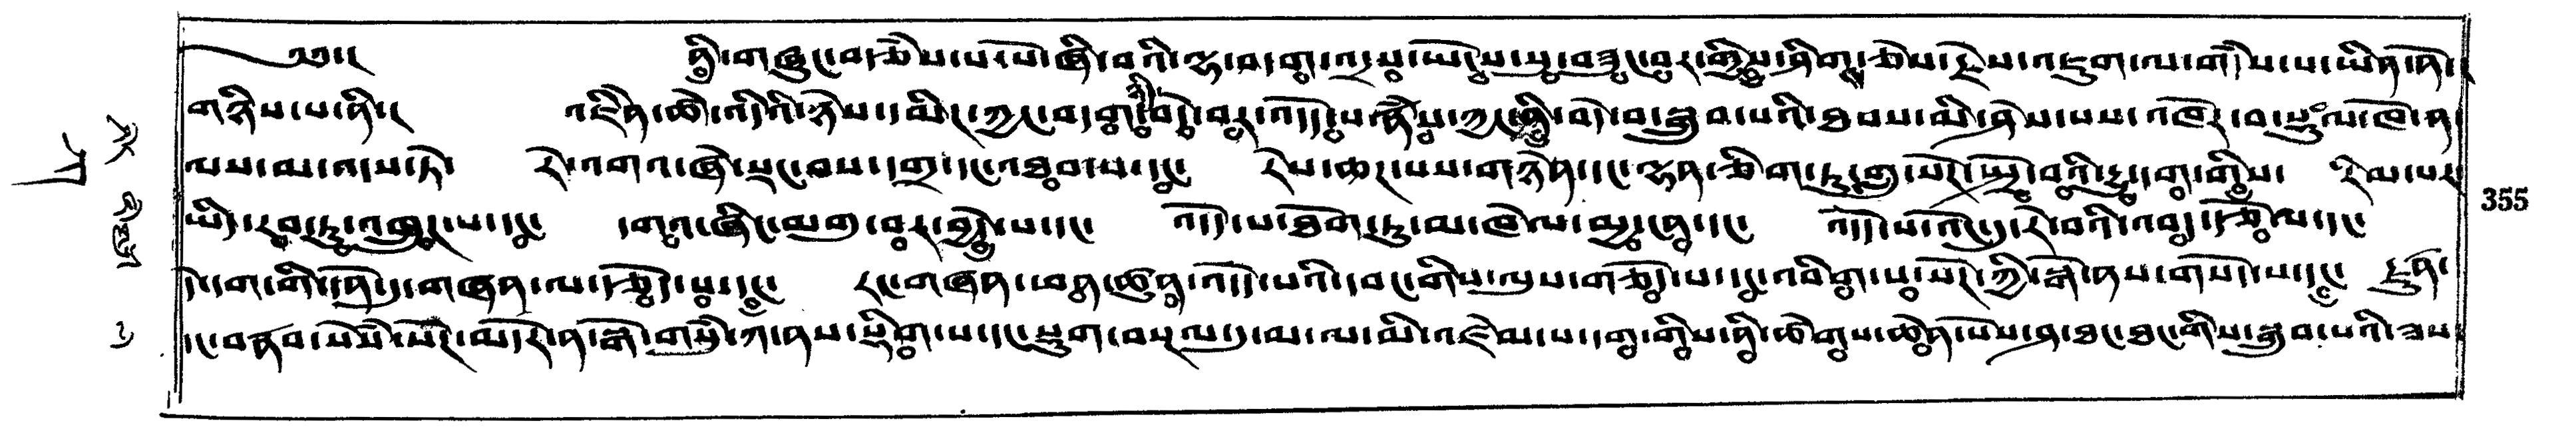ནི་གཞུང་རྩོམ་པ་པོ་ཞི་བའི་ལྷ་བདག་འདྲས་ཡོངས་སུ་བཟུང་བར་གྱིས་ཤིག་ཅེས་རྗེས་འཇུག་ལ་གདམས་པ་ཡིན་ནོ།། 
གཉིས་པ་ནི། འཇིག་རྟེན་ཚེ་འདིའི་ཉེས་དམིགས་ཀྱང་བདག་ཉིད་བདེ་བར་འདོད་པ་རྣམས་ཀྱང་ནི་བདེ་བ་སྒྲུབ་པའི་ཐབས་མི་ཤེས་པས་འཁོར་བ་སྡུག་བསྔལ་ཁོ་ན་
ལས་མ་འདས་ཏེ། རེས་འགའ་ཞེ་སྡང་བས་དགྲ་དང་འཐབ་པ་དང་། རེས་ཆགས་པས་གཉེན་དང་ལྷན་ཅིག་ཏུ་གླུ་སོགས་སྤྲོ་བའི་རྒྱུ་དག་གིས། རིམ་པར་
ཡིད་རབ་ཏུ་འཁྲུགས་པ་དང་། དགའ་ཞིང་མགུ་བར་བྱེད་པ་དང་། འདོད་པ་ཐོག་ཏུ་མ་ཁེལ་མྱ་ངན་དང་། འདོད་པ་འོང་དུ་རེ་བའི་འབད་རྩོལ་དང་། 
དེ་དག་གི་དོན་དུ་གཞན་ལ་རྩོད་པ་དང་། རང་གཞན་ཕན་ཚུན་འདོད་པའི་དབང་གིས་ལུས་གཅོད་པ་དང་འབིགས་པ་སོགས་ཀྱིས་སྒོ་ནས་གསོད་པ་དང་། རྫུན་
དང་བརྣབ་སེམས་སོགས་མདོར་ན་སྒོ་གསུམ་ཀ་ནས་སྡིག་པ་དང་སྡུག་བསྔལ་དུ་མ་ལ་མི་འཛེམ་པ་དག་གིས་ནི་ཚེགས་ཆེན་པོས་ཤ་ཐང་ཐང་གིས་སྒྲུབ་པའི་ཟས་